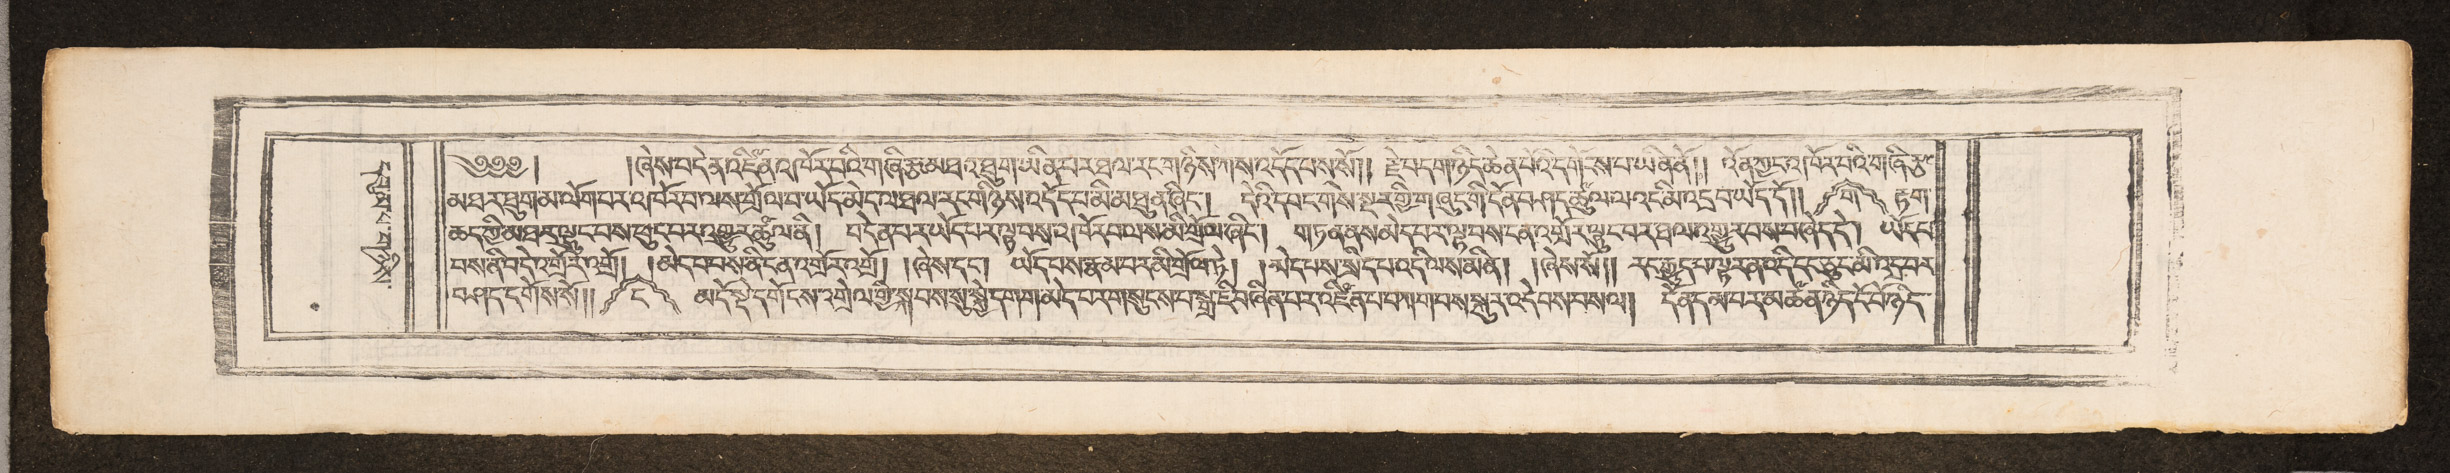༄༅༅། །ཞེས་བདེན་འཛིན་འཁོར་བའི་གཞི་རྩ་མཐའ་ཐུག་ཡིན་པར་ཐལ་རང་གཉིས་ཀས་འདོད་པས་སོ།། རྗེ་བདག་ཉིད་ཆེན་པོའི་དགོངས་པ་ཡིན་ནོ། །འོན་ཀྱང་འཁོར་པའི་གཞི་རྩ་
མཐར་ཐུག་མ་ལོག་པར་འཁོར་པ་ལས་གྲོལ་བ་ཡོད་མེད་ལ་ཐལ་རང་གཉིས་འདོད་པ་མི་མཐུན་ཞིང་། དེའི་དབང་གིས་སྔར་གྱི་གཞུང་གི་དོན་བཤད་ཚུལ་ལཱང་མི་འདྲ་བ་ཡོད་དོ།། ༼༽ག༼༽ རྟག་
ཆད་ཀྱི་མཐར་ལྷུང་བས་ཕུང་བར་འགྱུར་ཚུལ་ནི། བདེན་པར་ཡོད་པར་ལྟ་བས་འཁོར་བ་ལས་མི་གྲོལ་ཞིང་། གཏན་ནས་མེད་པར་ལྟ་བས་ངན་འགྲོར་ལྟུང་བར་ཐལ་འགྱུར་བས་བཞེད་དེ། ཡོད་པ་
པས་ནི་བདེ་འགྲོར་འགྲོ། །མེད་པ་པས་ནི་ངན་འགྲོར་འགྲོ། །ཞེས་དང་། ཡོད་པས་རྣམ་པད་མི་གྲོལ་ཏེ། །མེད་པས་སྲིད་པ་འདི་ལས་མིན། །ཞེས་སོ།། རང་རྒྱུད་པ་ལྟར་ན་འདི་དང་ཆུང་མི་འདྲ་བར་
བཤད་དགོས་སོ།། ༼༽ང༼༽ མདོ་སྡེ་དགོངས་འགྲེལ་གྱི་སྐབས་སུ་སྐྱེ་དགག་མེད་པར་གསུངས་པ་སྒྲ་ཇི་བཞིན་པར་འཛིན་པ་བཀག་པས་སྐུར་འདེབས་པས་ལ། དོན་དམ་པར་མཚན་ཉིད་ངོ་བོ་ཉིད་